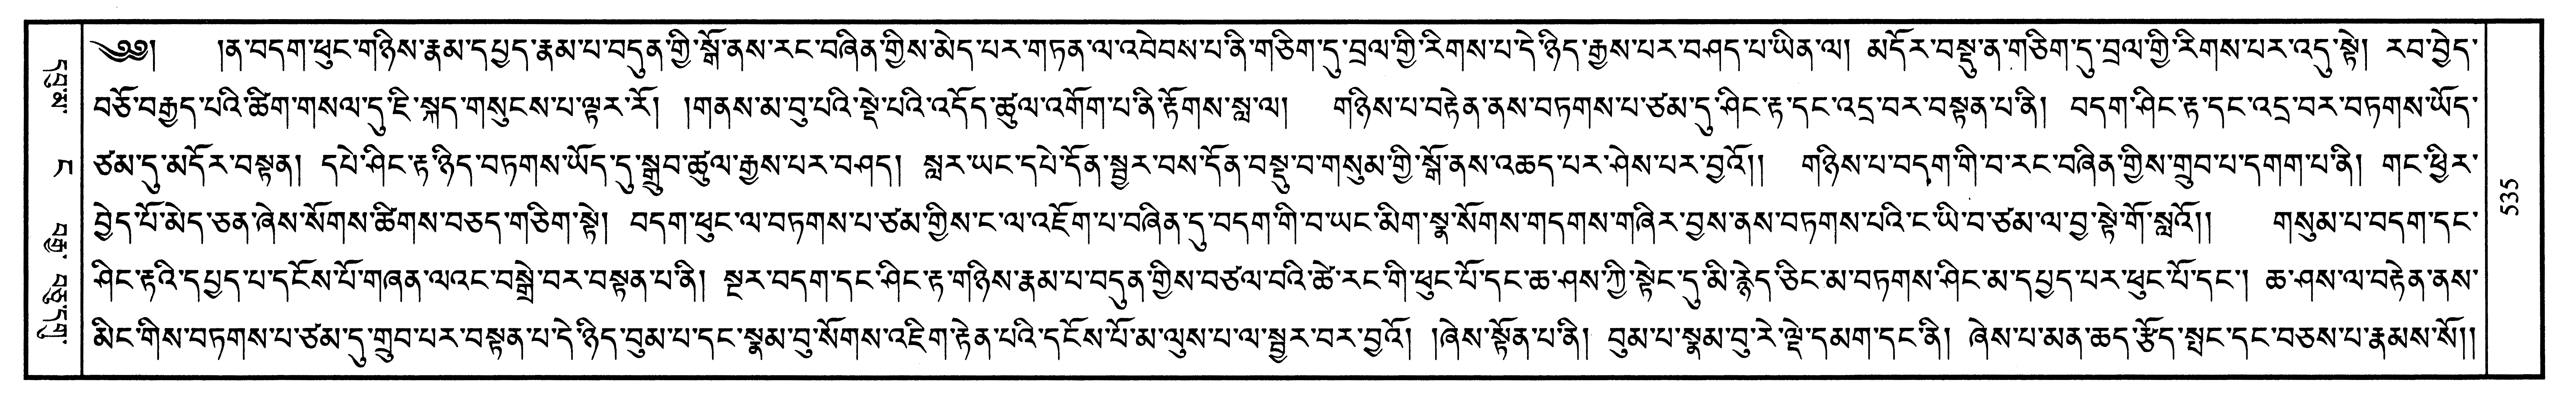༄༅། །ན་བདག་ཕུང་གཉིས་རྣམ་དཔྱད་རྣམ་པ་བདུན་གྱི་སྒོ་ནས་རང་བཞིན་གྱིས་མེད་པར་གཏན་ལ་འབེབས་པ་ནི་གཅིག་ཏུ་བྲལ་གྱི་རིགས་པ་དེ་ཉིད་རྒྱས་པར་བཤད་པ་ཡིན་ལ། མདོར་བསྡུ་ན་གཅིག་དུ་བྲལ་གྱི་རིགས་པར་འདུ་སྟེ། རབ་བྱེད་
བཅོ་བརྒྱད་པའི་ཚིག་གསལ་དུ་ཇི་སྐད་གསུངས་པ་ལྟར་རོ། །གནས་མ་བུ་པའི་སྡེ་པའི་འདོད་ཚུལ་འགོག་པ་ནི་རྟོགས་སླ་ལ། གཉིས་པ་བརྟེན་ནས་བཏགས་པ་ཙམ་དུ་ཤིང་རྟ་དང་འདྲ་བར་བསྟན་པ་ནི། བདག་ཤིན་རྟ་དང་འདྲ་བར་བཏགས་ཡོད་
ཙམ་དུ་མདོར་བསྟན། དཔེ་ཤིང་རྟ་ཉིད་བཏགས་ཡོད་དུ་སྒྲུབ་ཚུལ་རྒྱས་པར་བཤད། སླར་ཡང་དཔེ་དོན་སྦྱར་བས་དོན་བསྡུ་བ་གསུམ་གྱི་སྒོ་ནས་འཆད་པར་ཤེས་པར་བྱའོ། །གཉིས་པ་བདག་གི་བ་རང་བཞིན་གྱིས་གྲུབ་པ་དགག་པ་ནི། གང་ཕྱིར་
བྱེད་པོ་མེད་ཅན་ཞེས་སོགས་ཚིགས་བཅད་གཅིག་སྟེ། བདག་ཕུང་ལ་བཏགས་པ་ཙམ་གྱིས་ང་ལ་འཇོག་པ་བཞིན་དུ་བདག་གི་བ་ཡང་མིག་སྣ་སོགས་གདགས་གཞིར་བྱས་ནས་བཏགས་པའི་ང་ཡི་བ་ཙམ་ལ་བྱ་སྟེ་གོ་སླའོ།། གསུམ་པ་བདག་དང་
ཤིང་རྟའི་དཔྱད་པ་དངོས་པོ་གཞན་ལའང་བསྒྲེ་བར་བསྟན་པ་ནི། སྔར་བདག་དང་ཤིང་རྟ་གཉིས་རྣམ་པ་བདུན་གྱིས་བཙལ་བའི་ཚེ་རང་གི་ཕུང་པོ་དང་ཆ་ཤས་ཀྱི་སྟེང་དུ་མི་རྙེད་ཅིང་མ་བཏགས་ཤིང་མ་དཔྱད་པར་ཕུང་པོ་དང་། ཆ་ཤས་ལ་བརྟེན་ནས་
མིང་གིས་བཏགས་པ་ཙམ་དུ་གྲུབ་པར་བསྟན་པ་དེ་ཉིད་བུམ་པ་དང་སྣམ་བུ་སོགས་འཇིག་རྟེན་པའི་དངོས་པོ་མ་ལུས་པ་ལ་སྦྱར་བར་བྱའོ། །ཞེས་སྟོན་པ་ནི། བུམ་པ་སྣམ་བུ་རེ་ལྡེ་དམག་དང་ནི། ཞེས་པ་མན་ཆད་རྩོད་སྤང་དང་བཅས་པ་རྣམས་སོ།།